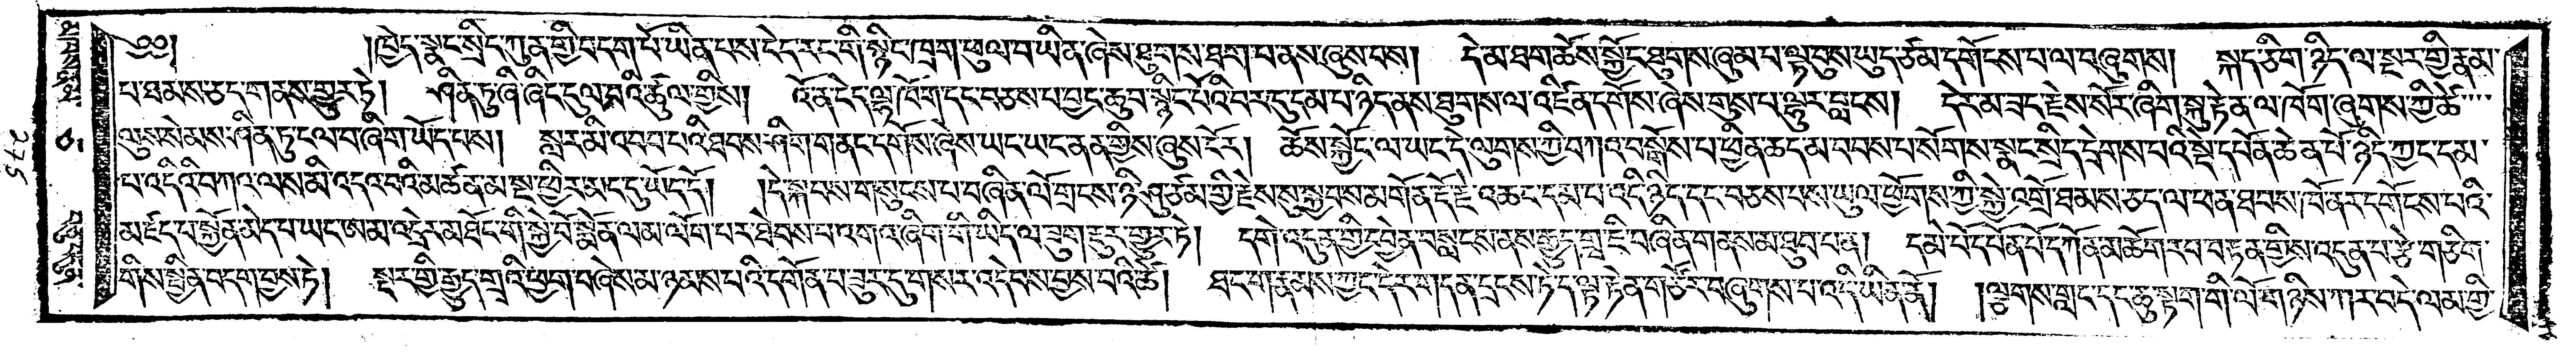༄༅། །ཁྱེད་སྣང་སྲིད་ཀུན་གྱི་བདག་པོ་ཡིན་པས་ངེད་རང་གི་སྙིང་ཁྲག་ཕུལ་བ་ཡིན་ཞེས་ཐུགས་ཐག་པ་ནས་ཞུས་པས། དེ་མ་ཐག་ཆོས་སྐྱོང་ཐུགས་ཞུམ་པ་ལྟ་བུས་ཡུད་ཙམ་དགོངས་པ་ལ་བཞུགས། སྐད་ཅིག་ཉིད་ལ་སྔར་གྱི་རྣམ་
པ་ཐམས་ཅད་གནས་གྱུར་ཏེ། ཤིན་ཏུ་ཞི་ཞིང་དུལ་བའི་ཚུལ་གྱིས། འོ་ན་ངེད་ལྷ་ཁོག་དང་བཅས་པ་བྱང་ཆུབ་སྙིང་པོའི་བར་དུ་དམ་པ་ཉིད་ནས་ཐུགས་ལ་འཛིན་དགོས་ཞེས་གུས་པ་ལྷུར་བླངས། དེར་མ་ཟད་རྗེས་སོར་ཞིག་སྐུ་རྟེན་ལ་ཁོག་ཞུགས་ཀྱི་ཚེ་
ལུས་སེམས་ཤིན་ཏུ་ངལ་བ་ཞིག་ཡོད་བས། སླར་མི་འབབ་པའི་ཐབས་ཤིག་གནང་དགོས་ཞེས་ཡང་ཡང་ནན་གྱིས་ཞུས་ངོར། ཆོས་སྐྱོང་ལ་ཡང་དེ་ལུགས་ཀྱི་བཀའ་བསྒོས་པ་ཕྱིན་ཆད་མ་བབས་པ་སོགས་སྣང་སྲིད་དྲེགས་པའི་སྡེ་དཔོན་ཆེན་པོ་ཉིད་ཀྱང་དམ་
པ་འདིའི་བཀའ་ལས་མི་འདའ་བའི་མཚན་མ་སྔ་ཕྱིར་མང་དུ་ཡོད་དོ། །དེ་སྐབས་གསུངས་པ་བཞིན་ལོ་གྲངས་ཉི་ཤུ་ཙམ་གྱི་རྗེས་སུ་སྐྱབས་མགོན་རྡོ་རྗེ་འཆང་དམ་པ་འདི་ཉིད་དང་བཅས་པས་ཡུལ་ཕྱོགས་ཀྱི་སྐྱེ་འགྲོ་ཐམས་ཅད་ལ་ཕན་ཐབས་ཁོ་ནར་དགོངས་པའི་
མཛད་པ་སྐྱོན་མེད་པ་ཡང་ཨ་མ་འདྲེར་མཐོང་གི་སྐྱེ་བོ་སྨོན་ལམ་ལོག་པར་ཐེབས་པ་འགའ་ཞིག་གི་ཡིད་ལ་ཟུག་རྡུར་གྱུར་ཏེ། དགེ་འདུན་གྱི་དབྱེན་བསླབས་ནས་རྒྱུད་གྲྭ་ཇི་བཞིན་གནས་མ་ཐུབ་པ་ན། དམེ་པོ་དཔོན་བོ་དཀོན་མཆོག་རབ་བརྟན་གྱིས་འདུན་པ་རྩེ་གཅིག་
གིས་སྦྱིན་བདག་བྱས་ཏེ། སྔར་གྱི་རྒྱུད་གྲྭའི་ཕྱག་བཞེས་མ་ཉམས་པའི་དགོན་བ་ཟུར་དུ་གསར་འདེབས་བྱས་པའི་ཚེ། ཐང་ག་རྣམས་ཀྱང་དེར་གདན་དྲངས་ཏེ་ད་ལྟ་རྟེན་གཙོར་བཞུགས་པ་འདི་ཡིན་ནོ། །ལྕགས་གླང་དང་ཆུ་སྟག་གི་ལོ་གཉིས་ཀར་བདེ་ལམ་གྱི་